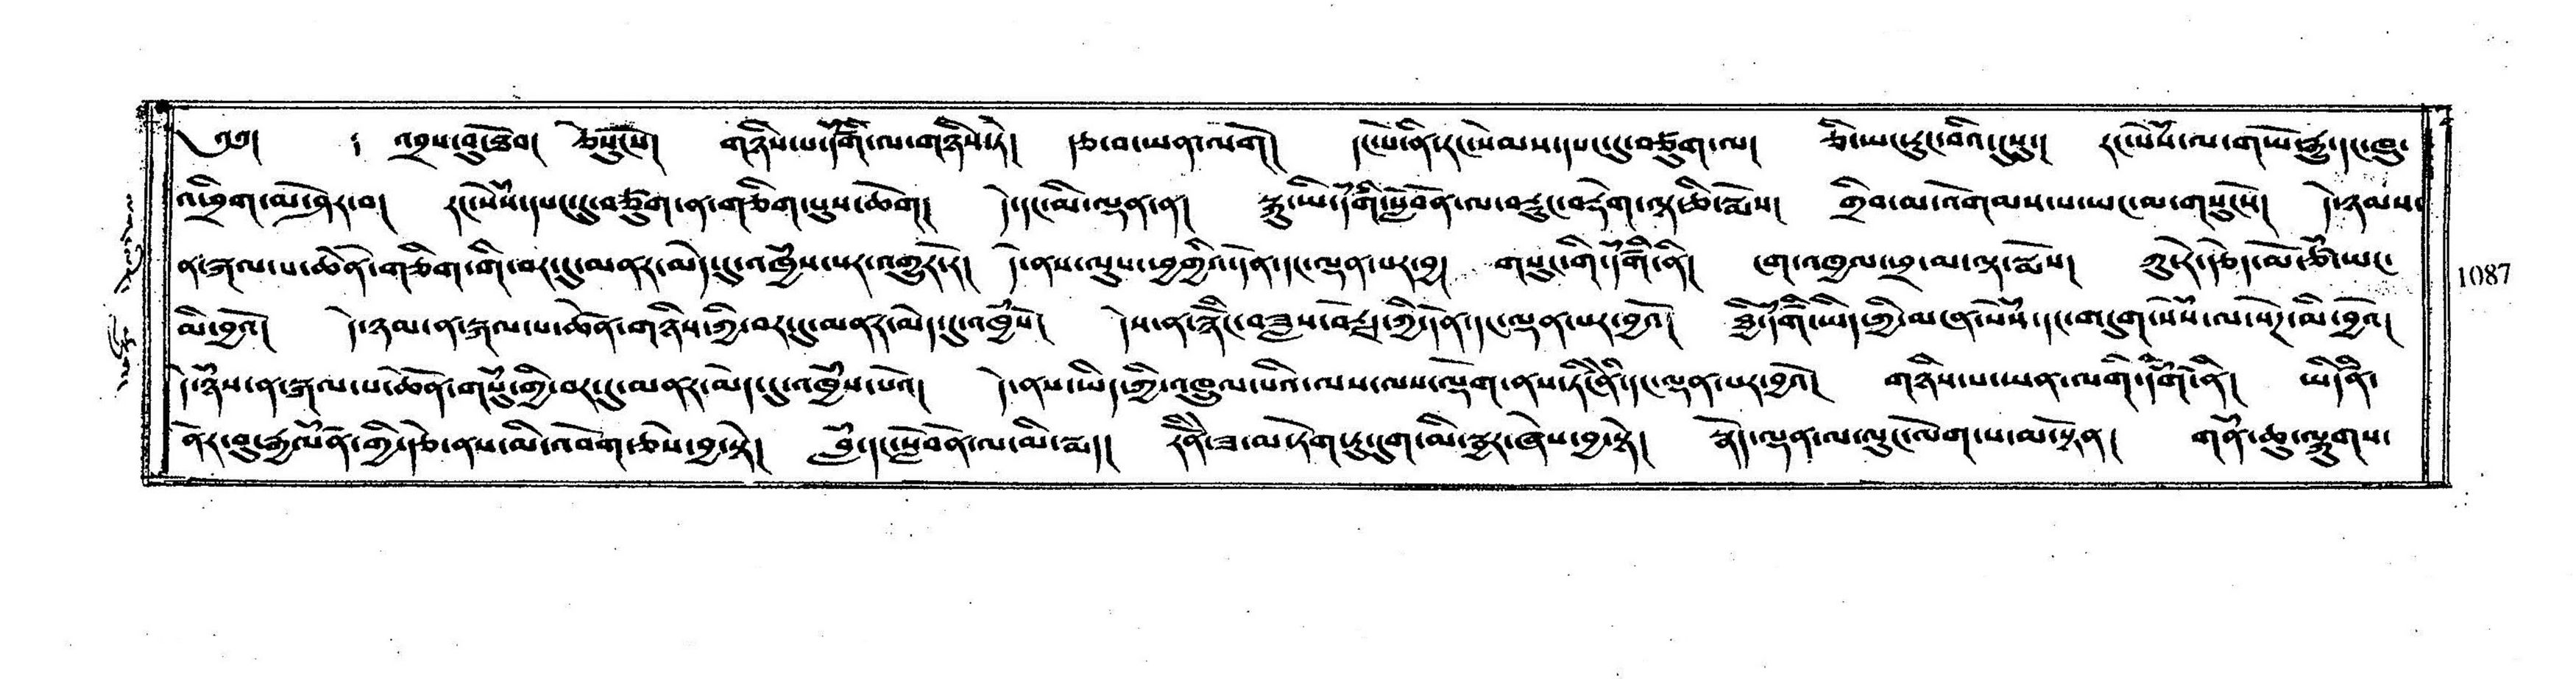འབྲས་བུ་ཐོབ། ཅེས་གསུངས་སོ། །གཉིས་པ་དམ་ཚིག་ལ་གཉིས་ཏེ། རྩ་བ་ཡན་ལག་གོ། དང་པོ་ནི་རང་སེམས་དཔང་དུ་བཙུག་ལ། ཅི་ཡང་རུང་བའི་དུས་སུ། རང་སེམས་ལ་གཡོ་རྒྱུ་དང་ཁུ་
འཕྲིག་མ་ཤོར་བ། རང་སེམས་དཔང་དུ་བཙུག་ན་གཅིག་པུས་ཆོག དེ་དང་མི་ལྡན་ན། སྐུ་ཡི་དམ་ཚིག་སློབ་དཔོན་ལ་བརྡུང་བརྡེག་ལྟ་ཅི་སྨོས། གྲིབ་མ་འགོམས་པ་ཡང་མ་གསུངས་སོ། དེ་ཉམས་
ན་སྐལ་པ་ཆེན་པོ་གཅིག་གི་བར་དུ་མནར་མེད་དུ་འཁྱམས་པར་འགྱུར་རོ། དེ་ནས་ལུས་ཕྱག་རྒྱའི་དོན་དང་ལྡན་པར་བྱ། གསུང་གི་དམ་ཚིག་ནི། ངག་འཁྱལ་ཕྲ་མ་ལྟ་སྨོས། ཀུ་རེ་རྩེད་མོ་ཙམ་ཡང་
མི་བྱའོ། དེ་ཉམས་ན་སྐལ་པ་ཆེན་པོ་གཉིས་ཀྱི་བར་དུ་མནར་མེད་དུ་འཁྱམས་སོ། དེས་ན་སྙིང་པོ་བཟླས་བརྗོད་ཀྱི་དོན་དང་ལྡན་པར་བྱའོ། ཐུགས་ཀྱི་དམ་ཚིག་ཡིད་ཀྱི་མངན་སེམས་དང་གདུག་སེམས་ལ་སོགས་མི་བྱའོ། 
དེ་ཉམས་ན་སྐལ་པ་ཆེན་པོ་གསུམ་གྱི་བར་དུ་མནར་མེད་དུ་འཁྱམས་པའོ། དེ་ནས་ཡིད་ཀྱི་འཁྲུལ་པའི་ལས་ལས་ལྡོག་ནས་ཏིང་ངེ་འཛིན་དང་ལྡན་པར་བྱའོ། གཉིས་པ་ཡན་ལག་གི་དམ་ཚིག་ནི། ཡིད་བཞིན་
ནོར་བུ་རྒྱལ་མཚན་གྱི་རྩེ་ནས་མི་འབོག་ཅེས་བྱ་སྟེ། བླ་མ་དང་སློབ་དཔོན་ལ་མི་སྨད། རིན་པོ་ཆེ་ཟ་མ་ཏོག་ཏུ་དུག་མི་སྦྱར་ཞེས་བྱ་སྟེ། སྣོད་ལྡན་ལ་ལུང་ལོག་པ་མ་སྟོན། གནམ་ཆུ་ལྐུགས་